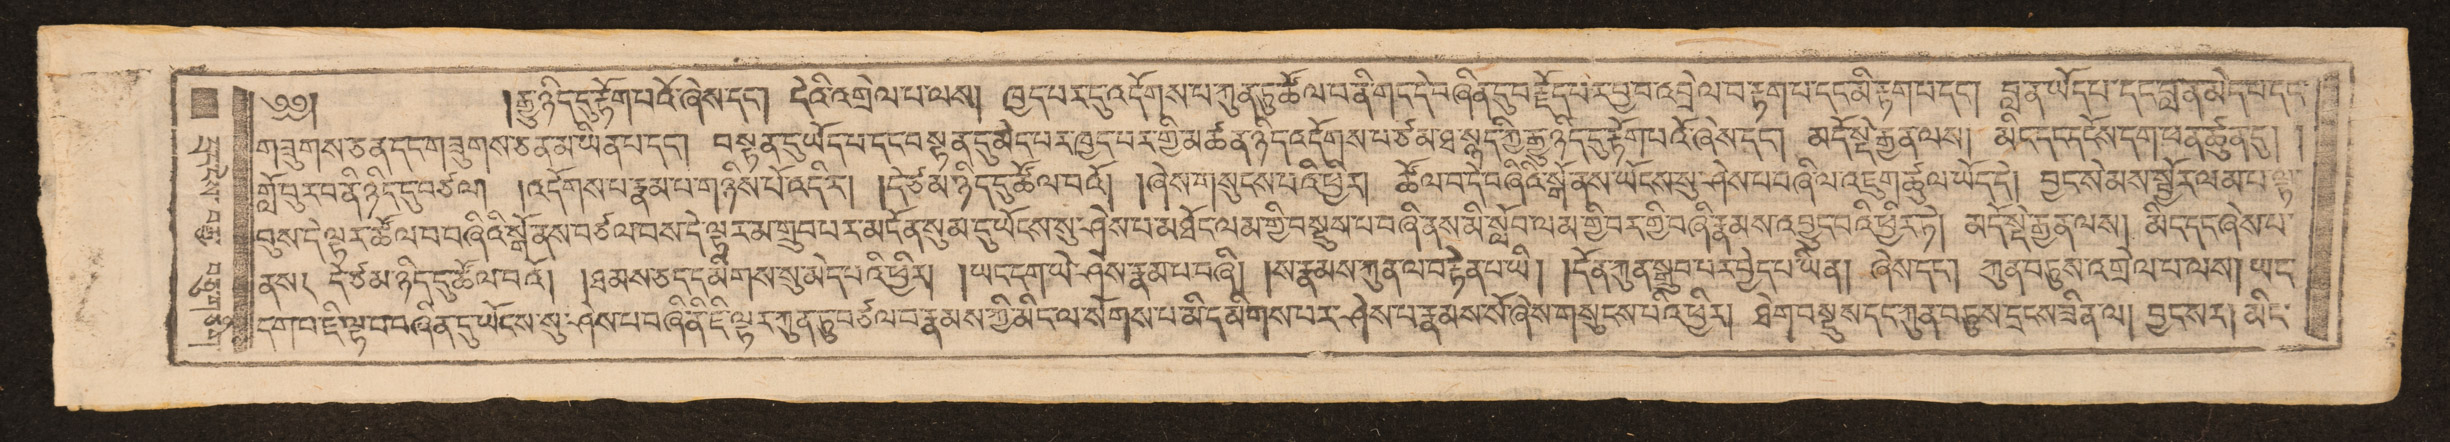༄༅། །རྒྱུ་ཉིད་དུ་རྟོག་པའོ་ཞེས་དང་། དེའི་འགྲེལ་པ་ལས། ཁྱད་པར་དུ་འདོགས་པ་ཀུན་ཏུ་ཚོལ་བ་ནི་གང་དེ་བཞིན་དུ་བརྗོད་པར་བྱ་བ་འབྲེལ་བ་རྟག་པ་དང་མི་རྟག་པ་དང་། བླ་ན་ཡོད་པ་དང་བླ་ན་མེད་པ་དང་
གཟུགས་ཅན་དང་གཟུགས་ཅན་མ་ཡིན་པ་དང་། བསྟན་དུ་ཡོད་པ་དང་བསྟན་དུ་མེད་པར་ཁྱད་པར་གྱི་མཚན་ཉིད་འདོགས་པ་ཙམ་ཐ་སྙད་ཀྱི་རྒྱུ་ཉིད་དུ་རྟོག་པའོ་ཞེས་དང་། མདོ་སྡེ་རྒྱན་ལས། མིང་དང་དངོས་དག་ཕན་ཚུན་དུ། །
གློ་བུར་བ་ནི་ཉིད་དུ་བཙལ། །འདོགས་པ་རྣམ་པ་གཉིས་པོ་འདིར། །དེ་ཙམ་ཉིད་དུ་ཚོལ་བའོ། །ཞེས་གསུངས་པའི་ཕྱིར། ཚོལ་བ་དེ་བཞིའི་སྒོ་ནས་ཡོངས་སུ་ཤེས་པ་བཞི་ལ་འཇུག་ཚུལ་ཡོད་དེ། བྱང་སེམས་སྦྱོར་ལམ་པ་ལྟ་
བུས་དེ་ལྟར་ཚོལ་བ་བཞིའི་སྒོ་ནས་བཙལ་བས་དེ་ལྟར་མ་གྲུབ་པར་མངོན་སུམ་དུ་ཡོངས་སུ་ཤེས་པ་མཐོང་ལམ་གྱི་བསྡུས་པ་བཞི་ནས་མི་སློབ་ལམ་གྱི་བར་གྱི་བཞི་རྣམས་འབྱུང་བའི་ཕྱིར་ཏེ། མདོ་སྡེ་རྒྱན་ལས། མིང་དང་ཞེས་པ་
ནས༑ དེ་ཙམ་ཉིད་དུ་ཚོལ་བའོ། །ཐམས་ཅད་དམིགས་སུ་མེད་པའི་ཕྱིར། །ཡང་དག་ཡེ་ཤེས་རྣམ་པ་བཞི། །ས་རྣམས་ཀུན་ལ་བརྟེན་པ་ཡི། །དོན་ཀུན་སྒྲུབ་པར་བྱེད་པ་ཡིན། ཞེས་དང་། ཀུན་བཏུས་འགྲེལ་པ་ལས། ཡང་
དག་པ་ཇི་ལྟ་བ་བཞིན་དུ་ཡོངས་སུ་ཤེས་པ་བཞི་ནི་ཇི་ལྟར་ཀུན་ཏུ་བཙལ་བ་རྣམས་ཀྱི་མིང་ལ་སོགས་པ་མི་དམིགས་པར་ཤེས་པ་རྣམས་སོ་ཞེས་གསུངས་པའི་ཕྱིར། ཐེག་བསྡུས་དང་ཀུན་བཏུས་དྲངས་ཟིན་ལ། བྱང་སར། མིང་